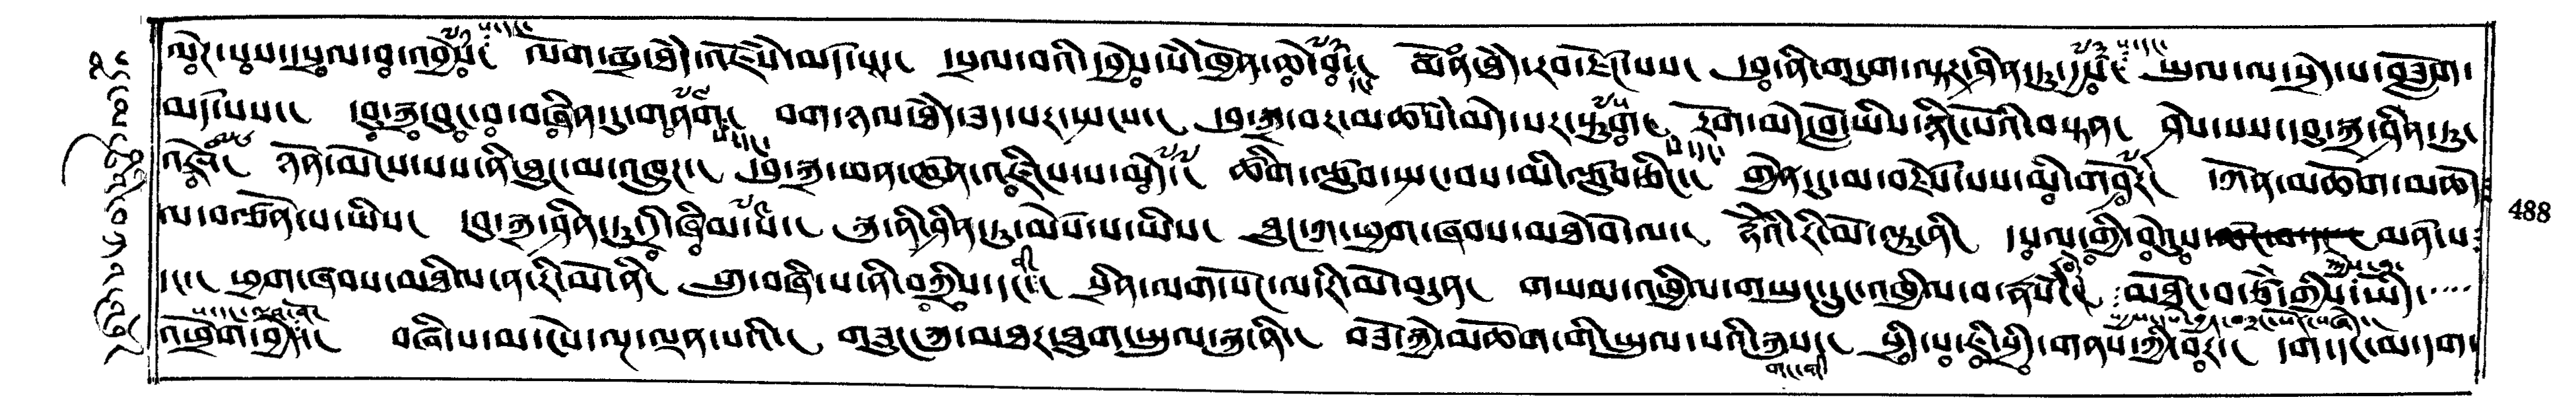ལེགས་པས་དཔྲལ་བ་འབྱེས།། པ་དང་། །ལོག་སྨྲ་ཐམས་ཅད་འཇོམས་མཛད་དང་། །དཔྲལ་བའི་དབྱེས་སམ་ཁྱོན་ཆེ་བ། །སྨོན་ལམ་ཐམས་ཅད་རབ་རྫོགས་པས། །དབུ་ནི་གདུགས་ལྟར་ཤིན་ཏུ་རྒྱས། །ཡུལ་ལ་སྲེད་པ་བཟློག་
མཛད་པས། །དབུ་སྐྲ་བུང་བ་བཞིན་དུ་གནག །བག་ཉལ་ཐམས་ཅད་ཟད་པར་སྤངས། །དབུ་སྐྲ་བར་མཚམས་མེད་པར་སྟུག །རྟོག་མེད་བློ་ཡིས་སྙིང་པོའི་བསྟན། །ཤེས་པས་དབུ་སྐྲ་ཤིན་ཏུ་
འཇམ། །ཉོན་མོངས་པས་ནི་ཐུགས་མ་འཁྲུགས། །དབུ་སྐྲ་ཕན་ཚུན་འཛིངས་པ་མེད། །ཚིག་རྩུབ་སྤངས་བས་མི་རྩུབ་ཅིང་། །གྱེན་དུ་མ་བརྫེས་པས་མི་གཤོར། །དཀོན་མཆོག་མཆོད་
ལ་བརྩོན་པ་ཡིས། །དབུ་སྐྲ་ཤིན་ཏུ་དྲི་ཞིམ་པ། །སྐུ་ནི་ཤིན་ཏུ་མཛེས་པ་ཡིས། །ཐུགས་ཀ་ཕྱག་ཞབས་མཐེ་བོང་ལ། །རྡོ་རྗེའི་རི་མོ་ལྟ་བུ་ནི། །དཔལ་གྱི་བེའུས་མཚན་པ་
དང་། །ཕྱག་ཞབས་མཐིལ་ན་རི་མོ་ནི། །གྲུ་བཞི་པ་ནི་བཀྲ་ཤིས་དང་། །སྲིན་ལག་སོགས་ལ་རི་མོ་བདུན། །གཡས་འཁྱིལ་གཡུང་དྲུང་འཁྱིལ་བ་རྣམས།། སངས་རྒྱས་དཔེ་བྱད་བཟང་པོར་བཞེད། མཐོང་བ་ཙམ་གྱིས་སྐྱེས་བུ་ཡིད་
འཕྲོག་བྱེད།། པ་དང་ལྡན་ནོ། བཞི་པ་མ་ངེས་ལྔ་ལྡན་པའི། །གཟུགས་སྐུ་མཐར་ཐུག་སྤྲུལ་སྐུ་ནི། །བཟོ་སྐྱེ་མཆོག་གི་སྤྲུལ་པའི་སྐུས།།གང་གི་སྲིད་པ་ཇི་སྲིད་གནས་ཀྱི་བར། །དག་དང་མ་དག་